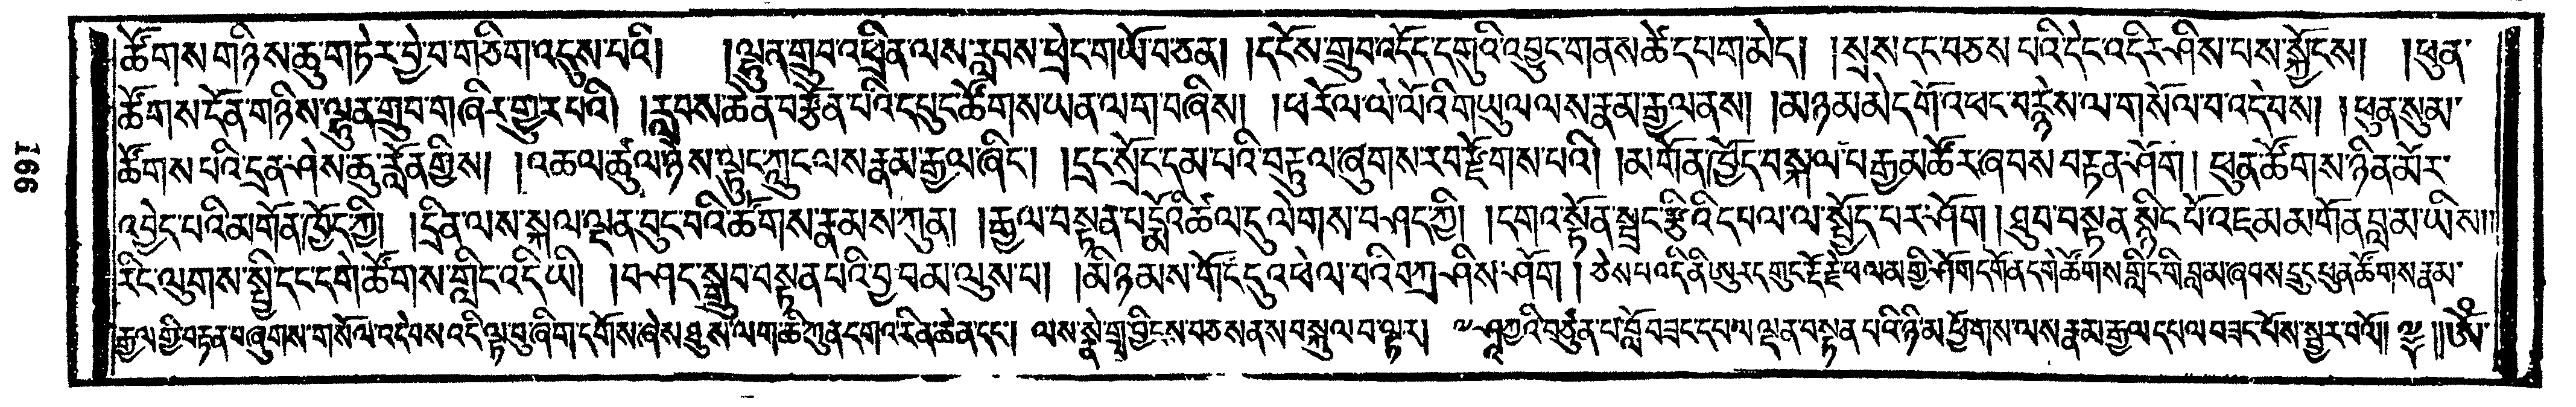ཚོགས་གཉིས་ཆུ་གཏེར་བྱེ་བ་གཅིག་འདུས་པའི། །ལྷུན་གྲུབ་འཕྲིན་ལས་རླབས་ཕྲེང་གཡོ་བ་ཅན། །དངོས་གྲུབ་འདོད་དགུའི་འབྱུང་གནས་ཚེ་དཔག་མེད། །སྲས་དང་བཅས་པའི་དེང་འདིར་ཤིས་པས་སྐྱོངས། །ཕུན་
ཚོགས་དོན་གཉིས་ལྷུན་གྲུབ་གཞིར་གྱུར་པའི། །རླབས་ཆེན་བརྩོན་པའི་དཔུང་ཚོགས་ཡན་ལག་བཞིས། །ཕ་རོལ་ལེ་ལོའི་གཡུལ་ལས་རྣམ་རྒྱལ་ནས། །མཉམ་མེད་གོ་འཕང་བརྙེས་ལ་གསོལ་བ་འདེབས། །ཕུན་སུམ་
ཚོགས་པའི་དྲན་ཤེས་ཆུ་རློན་གྱིས། །འཆལ་ཚུལ་ཉེས་ལྟུང་ཀླུང་ལས་རྣམ་རྒྱལ་ཞིང་། །དྲང་སྲོང་དམ་པའི་བརྟུལ་ཞུགས་རབ་རྫོགས་པའི། །མགོན་ཁྱོད་བསྐལ་པ་རྒྱ་མཚོར་ཞབས་བརྟན་ཤོག །ཕུན་ཚོགས་ཉིན་མོར་
འབྱེད་པའི་མགོན་ཁྱོད་ཀྱི། །དྲིན་ལས་སྐལ་ལྡན་བུང་བའི་ཚོགས་རྣམས་ཀུན། །རྒྱལ་བསྟན་པདམོའི་ཚལ་དུ་ལེགས་བཤད་ཀྱི། །དགའ་སྟོན་སྦྲང་རྩིའི་དཔལ་ལ་སྤྱོད་པར་ཤོག །ཐུབ་བསྟན་སྙིང་པོ་འཇམ་མགོན་བླ་མ་ཡིས།།
རིང་ལུགས་སྤྱི་དང་དགེ་ཚོགས་གླིང་འདི་ཡི། །བཤད་སྒྲུབ་བསྟན་པའི་བྱ་བ་མ་ལུས་པ། །མི་ཉམས་གོང་དུ་འཕེལ་བའི་བཀྲ་ཤིས་ཤོག །ཅེས་པ་འདི་ནི་ཨུ་རུད་གུང་རྡོ་རྗེ་ཕ་ལམ་གྱི་ཤོག་དགོན་དགེ་ཚོགས་གླིང་གི་བླ་མ་ཞབས་དྲུང་ཕུན་ཚོགས་རྣམ་
རྒྱལ་གྱི་བརྟན་བཞུགས་གསོལ་འདེབས་འདི་ལྟ་བུ་ཞིག་དགོས་ཞེས་ཐུ་ས་ལག་ཆི་ཀུན་དགའ་རིན་ཆེན་དང་། ལས་སྣེ་གྲྭ་བྱིངས་བཅས་ནས་བསྐུལ་བལྟར། ༧་ཤཱཀྱའི་བཙུན་པ་བློ་བཟང་དཔལ་ལྡན་བསྟན་པའི་ཉི་མ་ཕྱོགས་ལས་རྣམ་རྒྱལ་དཔལ་བཟང་པོས་སྦྱར་བའོ།། ༈ །།ཨོཾ་